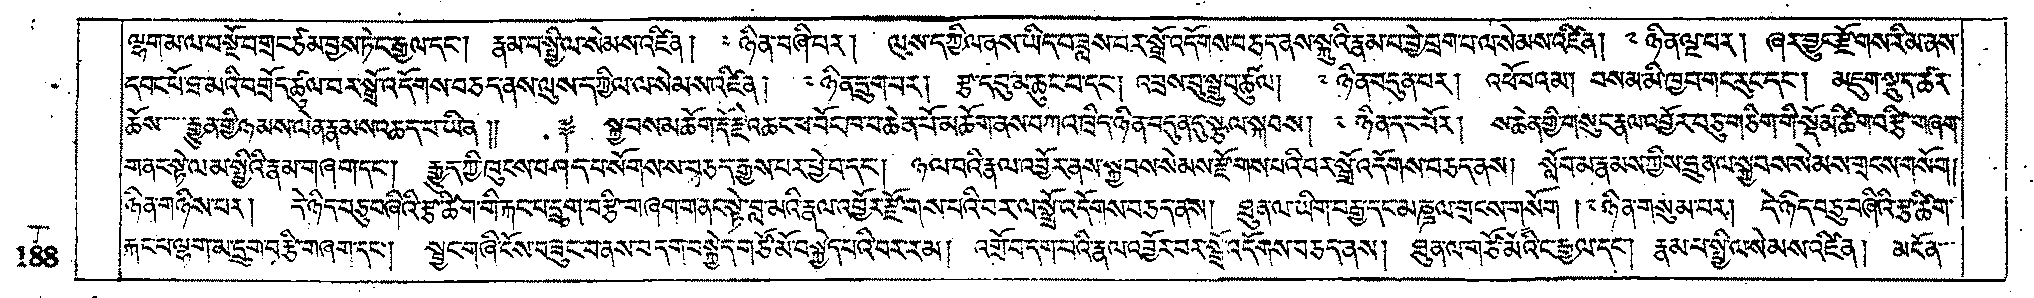ལྷག་མ་ལ་བསྔོ་བ་གྲང་ཙམ་བྱས་ཏེ་ང་རྒྱལ་དང་། རྣམ་པ་སྤྱི་ལ་སེམས་འཛིན། ༧་ཉིན་བཞི་པར། ལུས་དཀྱིལ་ནས་ཡིད་བཟླས་བར་སྒྲོ་འདོགས་བཅད་ནས་སྐུའི་རྣམ་པ་བྱེ་བྲག་པ་ལ་སེམས་འཛིན། ༧་ཉིན་ལྔ་པར། ཞར་བྱུང་རྫོགས་རིམ་ནས་
དབང་པོ་ཐ་མའི་བགྲོད་ཚུལ་བར་སྒྲོ་འདོགས་བཅད་ནས་ལུས་དཀྱིལ་ལ་སེམས་འཛིན། ༧་ཉིན་དྲུག་པར། རྩ་དབུ་མ་ཆུང་བ་དང་། འབྲས་བུ་སྒྲུབ་ཚུལ། ༧་ཉིན་བདུན་པར། འཕོ་བའམ། བསམ་མི་ཁྱབ་གང་རུང་དང་། མཇུག་སྡུད་ཚར་
ཆོས་་་རྒྱུན་གྱི་ཉམས་ལེན་རྣམས་འཆད་པ་ཡིན།། འ་སྐྱབས་མཆོག་རྡོ་རྗེ་འཆང་ཕ་བོང་ཁ་པ་ཆེན་པོ་མཆོག་ནས་བཀའ་ཁྲིད་ཉིན་བདུན་དུ་སྩལ་སྐབས། ༧་ཉིན་དང་པོར། ས་ཆེན་གྱི་གསུང་རྣལ་འབྱོར་བཅུ་གཅིག་གི་སྡོམ་ཚིག་བརྩི་གཞག་
གནང་སྟེ་ལམ་སྤྱིའི་རྣམ་གཞག་དང་། རྒྱུད་ཀྱི་ཁུངས་བཤད་པ་སོགས་ས་བཅད་རྒྱས་པར་ཕྱེ་བ་དང་། ཉལ་བའི་རྣལ་འབྱོར་ནས་སྐྱབས་སེམས་རྫོགས་པའི་བར་སྒྲོ་འདོགས་བཅད་ནས། སློབ་མ་རྣམས་ཀྱིས་ཐུན་ལ་སྐྱབས་སེམས་གྲངས་གསོག།
ཉིན་གཉིས་པར། དེ་ཉིད་བཅུ་བཞིའི་རྩ་ཚིག་གི་རྐང་པ་དྲུག་བརྩི་གཞག་གནང་སྟེ་བླ་མའི་རྣལ་འབྱོར་རྫོགས་པའི་བར་ལ་སྒྲོ་འདོགས་བཅད་ནས། ཐུན་ལ་ཡིག་བརྒྱ་དང་མཎྜལ་གྲངས་གསོག །༧་ཉིན་གསུམ་པར། དེ་ཉིད་བཅུ་བཞིའི་རྩ་ཚིག་
རྐང་པ་ལྷག་མ་དྲུག་བརྩི་གཞག་དང་། སྦྱང་གཞི་ངོས་བཟུང་བ་ནས་བདག་བསྐྱེད་གཙོ་མོ་བསྐྱེད་པའི་བར་རམ། འགྲོ་བ་དག་པའི་རྣལ་འབྱོར་བར་སྒྲོ་འདོགས་བཅད་ནས། ཐུན་ལ་གཙོ་མོའི་ང་རྒྱལ་དང་། རྣམ་པ་སྤྱི་ལ་སེམས་འཛིན། མངོན་་་